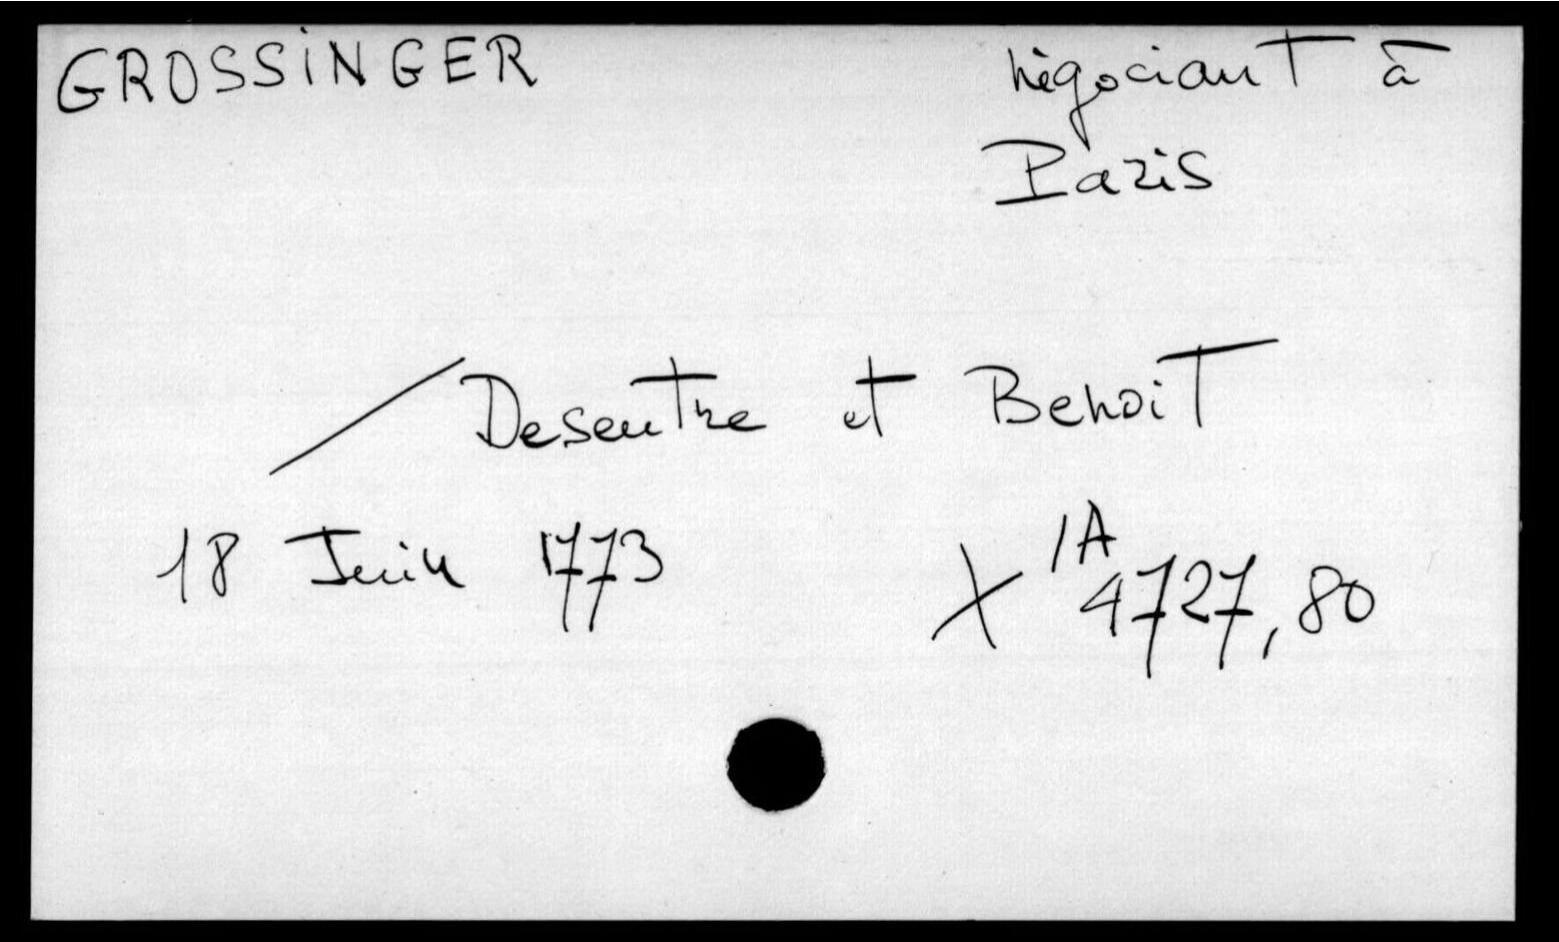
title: GROSSINGER, négociant à Paris
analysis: Contre Deseutre et Benoit
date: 18 juin 1773
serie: X1A
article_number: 4727
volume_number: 80
